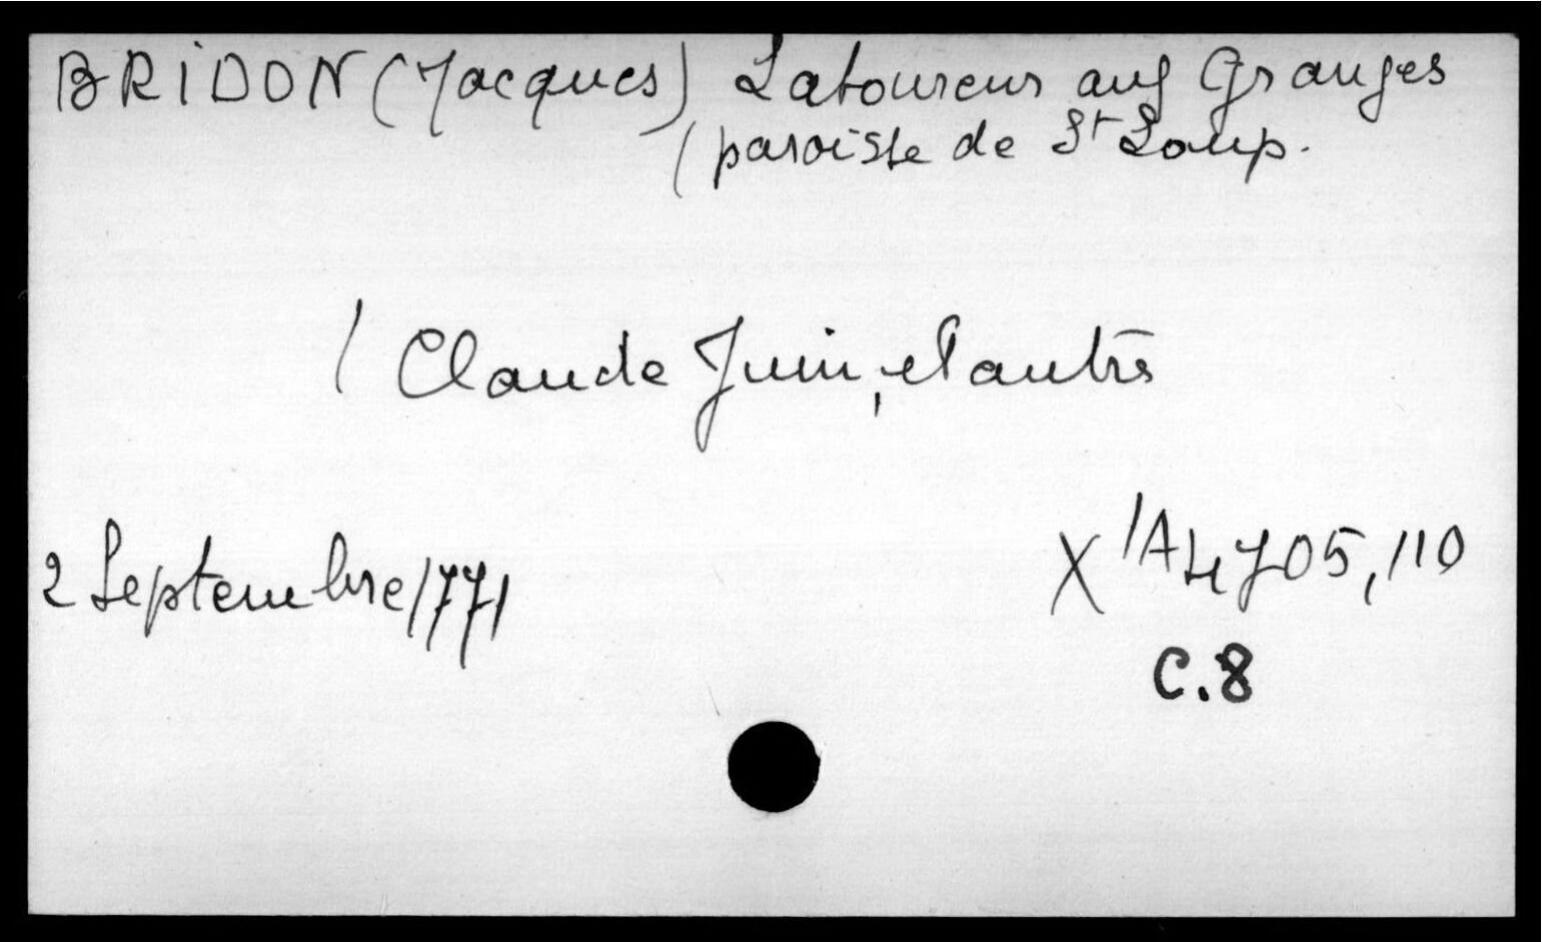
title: BRIDON (Jacques) Laboureur aux granges (paroisse de Saint-Loup.
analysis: Contre Claude juin et autres
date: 2 septembre 1771
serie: X1A
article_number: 4705
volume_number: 110 Conseil, 8
